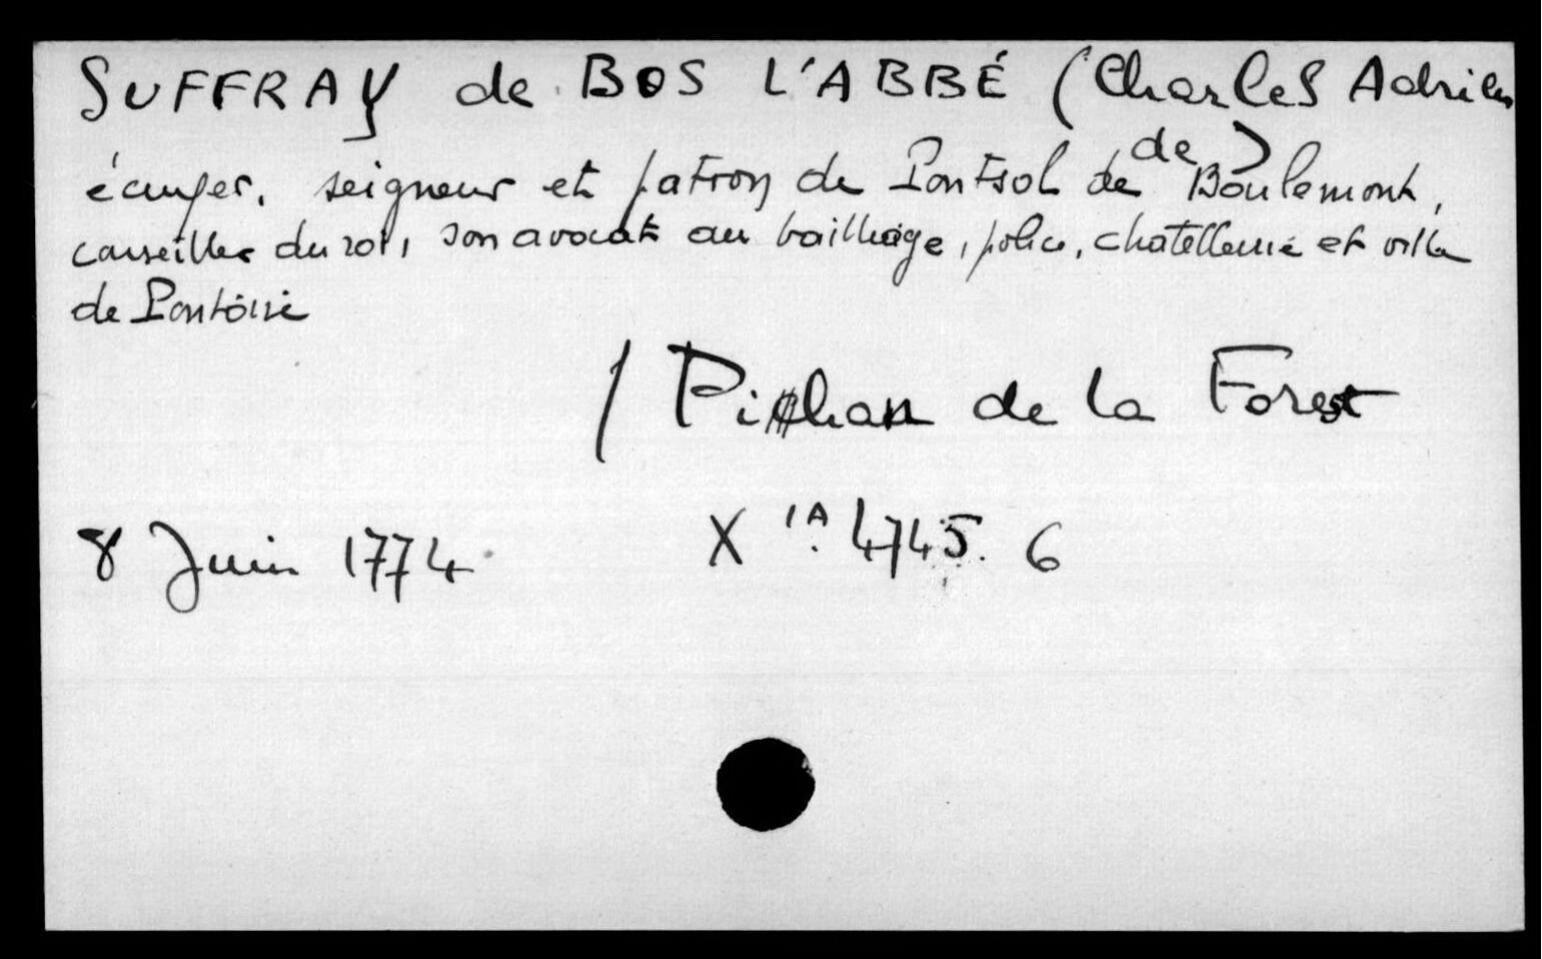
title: SUFFRAY de BOS L'ABBÉ (Charles Adrien de), écuyer, seigneur et patron de Pontsol de Boulemont, conseiller du roi, son avocat au bailliage, police, châtellenie et ville de Pontoise
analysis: Contre Pihan de la Forest
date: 8 juin 1774
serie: X1A
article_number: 4745
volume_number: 6
